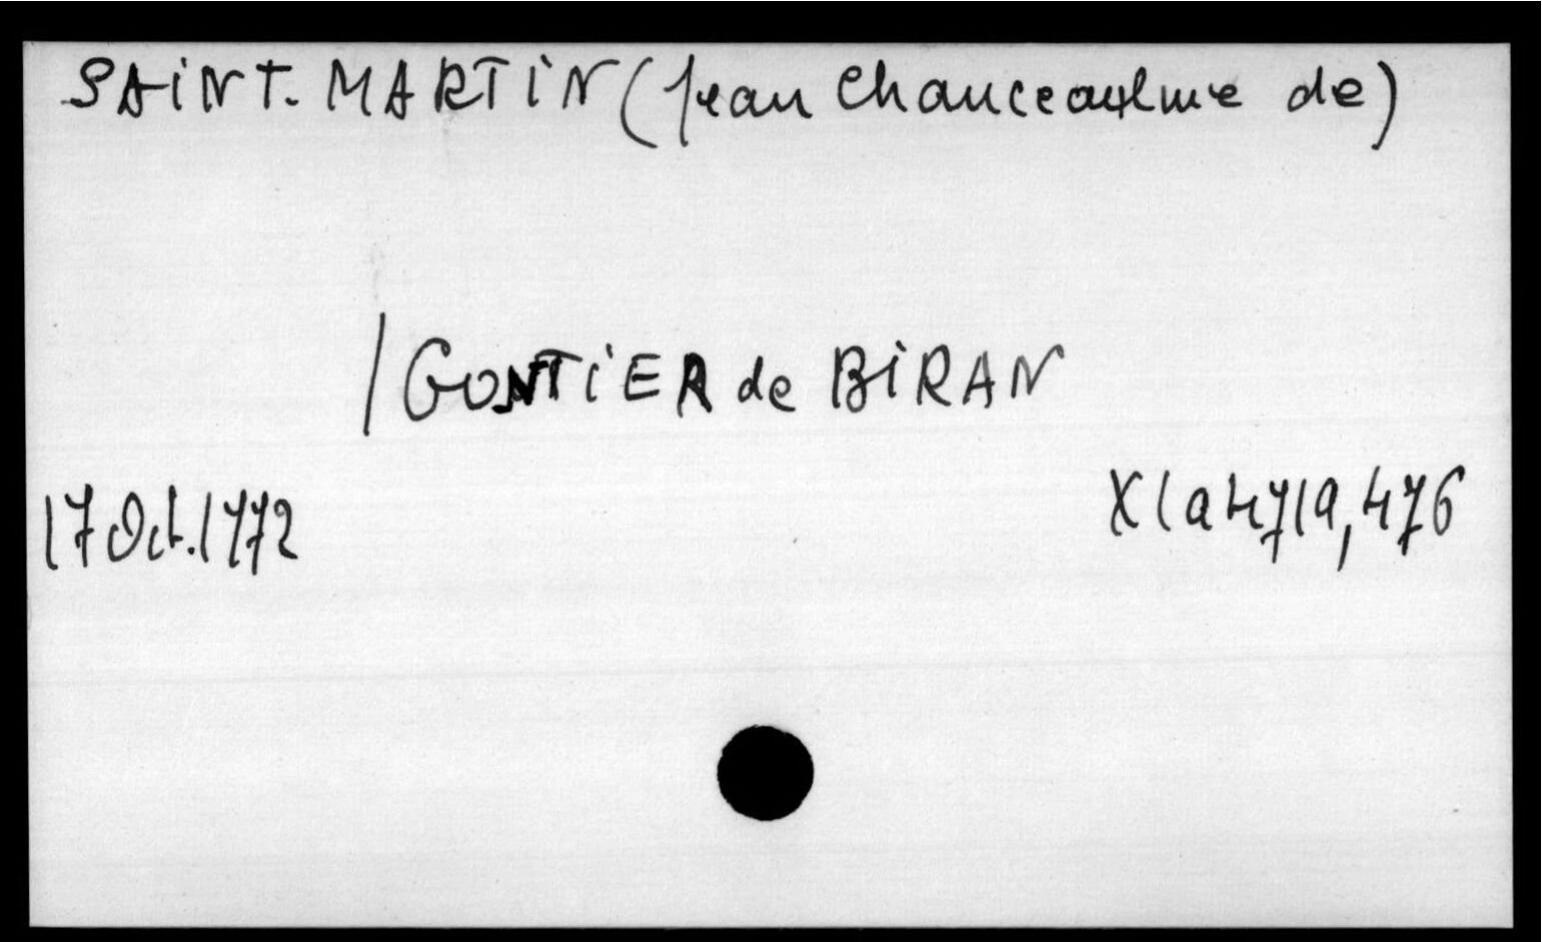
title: SAINT-MARTIN (Jean Chanceaulme de)
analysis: Contre GONTIER de BIRAN
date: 17 octobre 1772
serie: X1a
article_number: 4719
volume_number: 476
